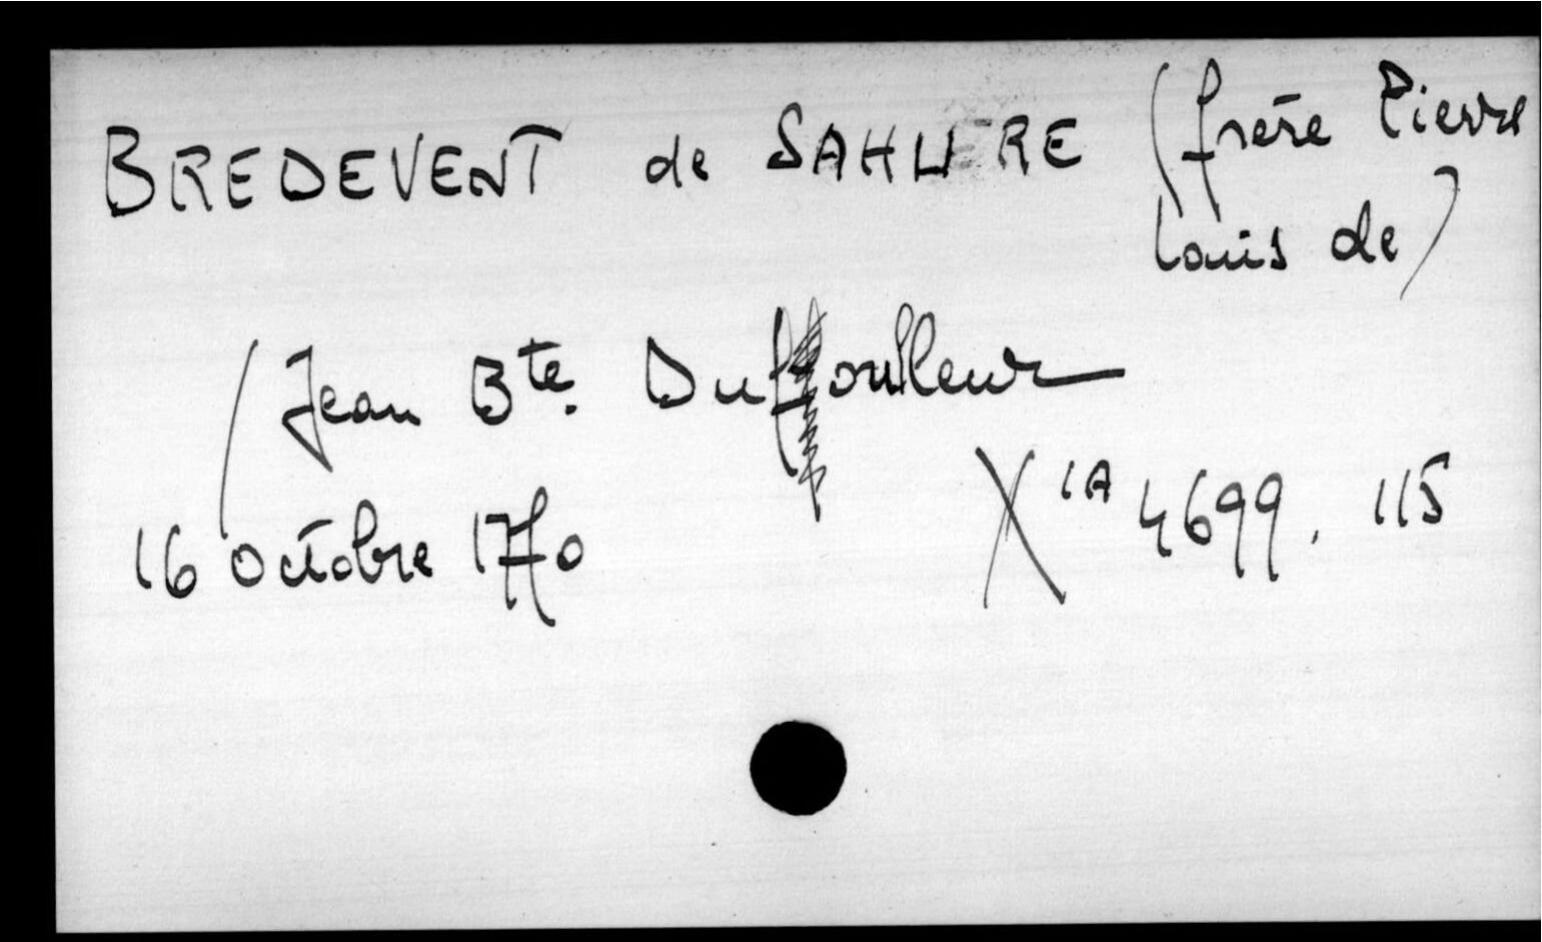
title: BREDEVENT de SAHLERE (frère Pierre Louis de)
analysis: Contre Jean Baptiste Dufoulleur
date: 16 octobre 1770
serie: X1A
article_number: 4699
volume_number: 115
